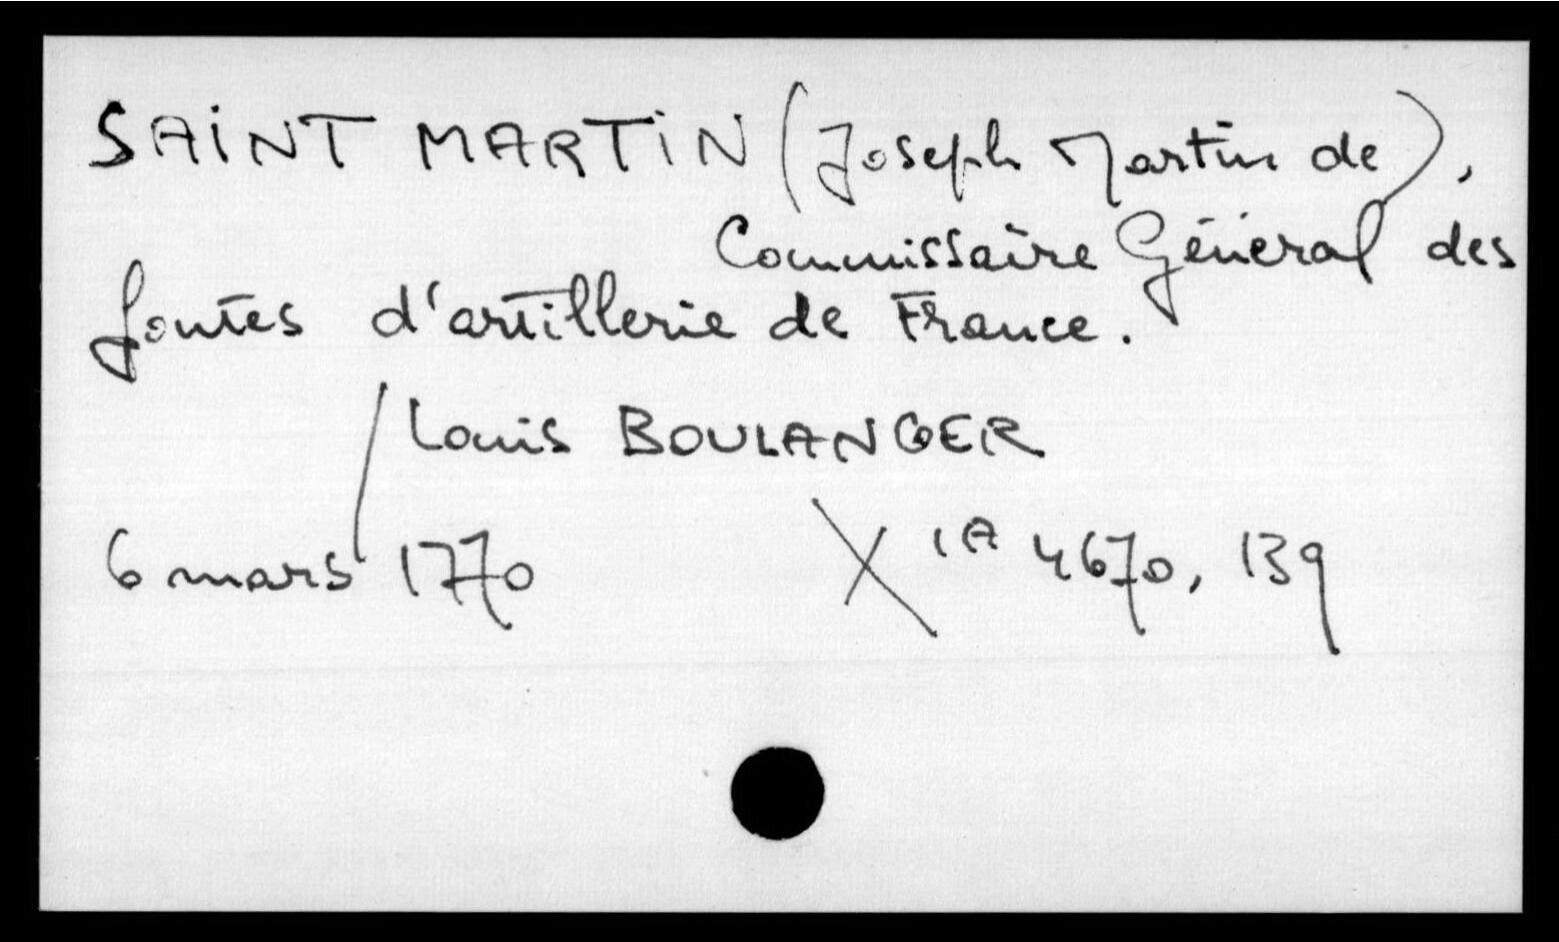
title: SAINT MARTIN (Joseph Martin de), commissaire général des fontes d'artillerie de France
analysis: Contre Louis BOULANGER
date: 6 mars 1770
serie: X1A
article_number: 4670
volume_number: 139
